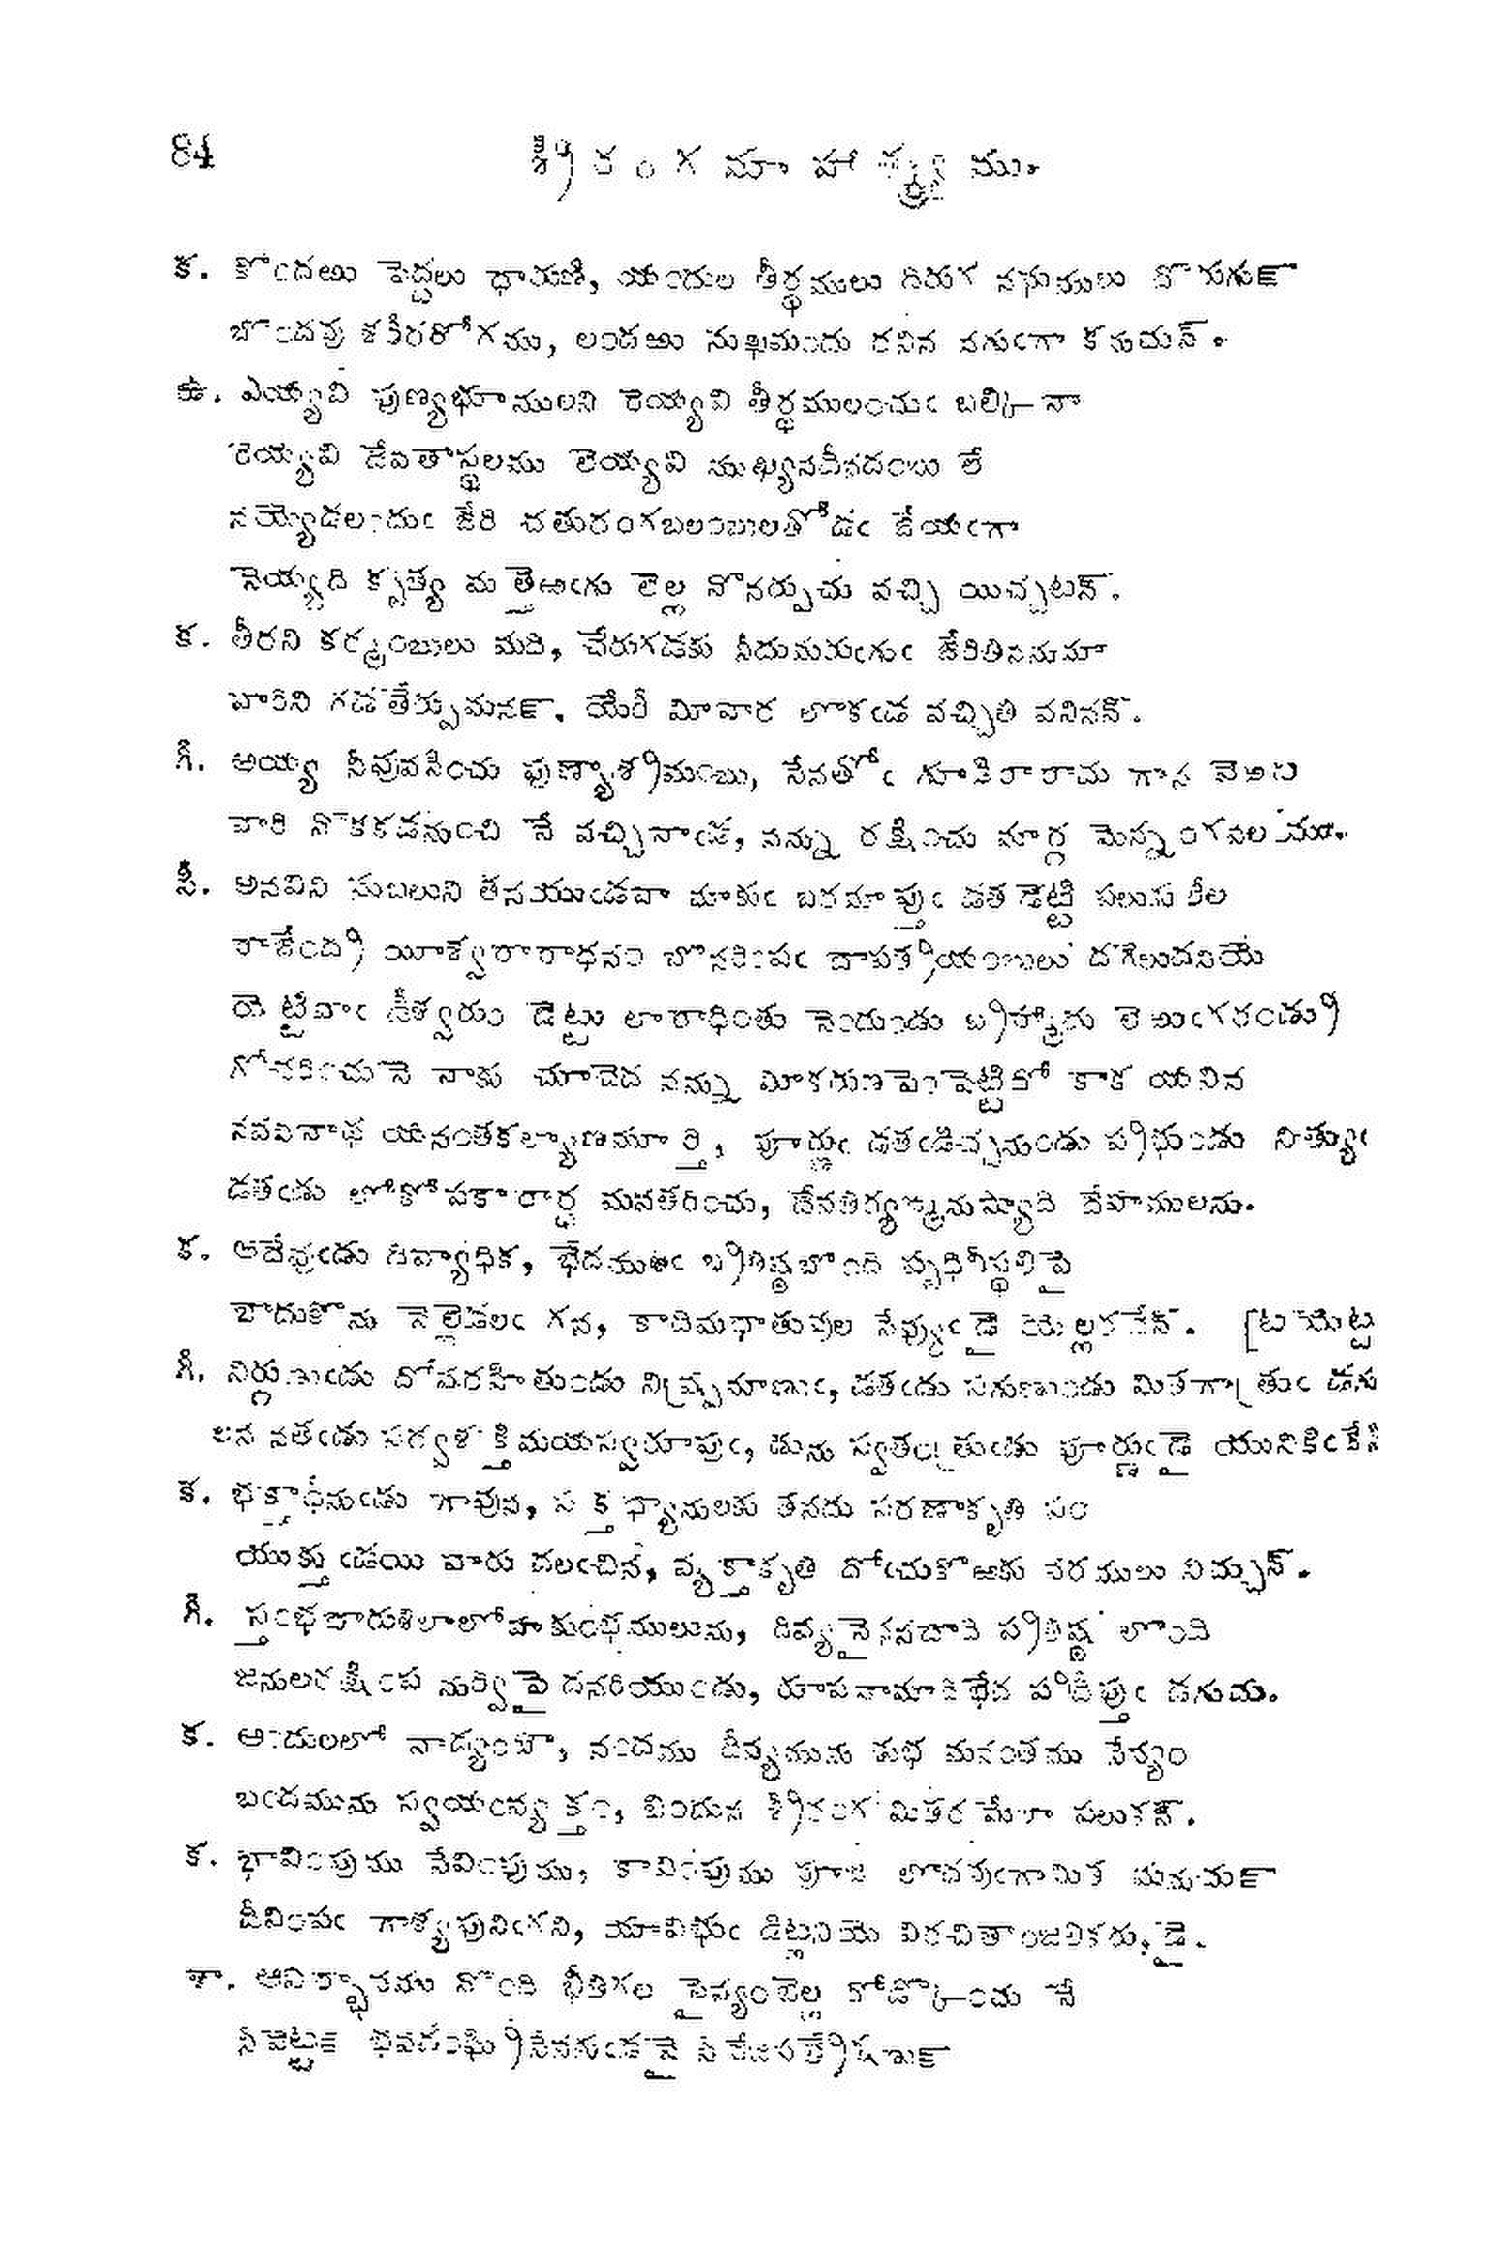క. కొందఱు పెద్దలు ధారుణి, యందుల తీర్థములు దిరుగ నఘములు దొరుగున్
 బొందవు శరీరరోగము, లందు సుఖమందు రనిన నగుఁగా కనుచున్.
ఉ. ఎయ్యవి పుణ్యభూములని రెయ్యవి తీర్థములంచుఁ బల్కినా
 రెయ్యవి దేవతాస్థలము లెయ్యవి ముఖ్యనదీనదంబు లే
 నయ్యెడలందుఁ జేరి చతురంగబలంబులతోడఁ జేయఁగా
 నెయ్యది కృత్య మత్తెఱఁగు లెల్ల నొనర్పుచు వచ్చి యిచ్చటన్.
క. తీరని కర్మంబులు మది, చేరుగడకు నీదుమరుఁగుఁ జేరితినను మా
 వారిని గడతేర్పుమనన్, యేరీ మీవార లొకఁడ వచ్చితి వనినన్.
గీ. అయ్య నీవు వసించు పుణ్యాశ్రమంబు, సేనతోఁ గూడి రారాదు గాన వెఱచి
 వారి నొకకడ నుంచి నే వచ్చినాఁడ, నన్ను రక్షించుమార్గ మెన్నంగవలయు.
సీ. అనవిని సుబలుని తనయుఁడవా మాకుఁ బరమాప్తుఁ డతడెట్టి పలుకులేల
 రాజేంద్ర యీశ్వరారాధనం బొనరింపఁ దాపత్రయంబులు దగెలుదనియె
 యెట్టివాఁ డీశ్వరుం డెట్టు లారాధింతు నెందుండు బ్రహ్మాదు లెఱుఁగరండ్రు
 గోచరించునె నాకు చూచెద నన్ను మీకరుణపెం పెట్టిదో కాక యనిన
 నవనినాథ యనంతకల్యాణమూర్తి, పూర్ణుఁ డతఁ డిచ్చనుండు ప్రభుండు నిత్యుఁ
 డతఁడు లోకోపకారార్థ మవతరించు, దేవతిర్యఙ్మమనుష్యాది దేహములను.
క. ఆదేవుఁడు దివ్యాధిక, భేదములఁ బ్రతిష్ఠ బొంది పృథివీస్థలిపై
 బాదుకొను నెల్లెడలఁ గన, కాదిమధాతువుల సేవ్యుఁడై యెల్లరచేన్.
గీ. నిర్గుణుఁడు దోషరహితుండు నిష్ప్రమాణుఁ, డతఁడు సగుణుండు మితగాత్రుఁ డగుట యెట్టు
 లన నతఁడు సర్వశక్తిమయస్వరూపుఁ, డును స్వతంత్రుఁడు పూర్ణుఁడై యునికిఁకేని.
క. భక్తాధీనుఁడు గావున, సక్తధ్యానులకు తనదు సరణాకృతి సం
 యుక్తుఁడయి వారు దలఁచిన, వ్యక్తాకృతి దోఁచుకొఱకు వరములు నిచ్చున్.
గీ. స్తంభదారుశిలాలోహకుంభములును, దివ్యనైధపదాది ప్రతిష్ఠ లొంది
 జనుల రక్షింప నుర్విపై దనరియుండు, రూపనామాదిభేదప్రదీప్తుఁ డగుచు.
క. అందులలో నాద్యంబౌ, నందము దీవ్యమును శుభ మనంతము సేవ్యం
 బందమును స్వయంవ్యక్తం, బిందున శ్రీరంగ మితర మేలా పలుకన్.
క. భావింపుము సేవింపుము, కావింపుము పూజ లొదవుఁగామిత మనుచున్
 దీవింపఁ గాశ్యపునిఁ గని, భూవిభుఁ డిట్లనియె విరచితాంజలికరుఁడై.
శా. ఆవిర్భావము నొంది భీతిగల సైన్యం బెల్ల దోడ్కొంచు నే
 నీ వెట్టన్ భవదంఘ్రిసేవకుఁడనై నీతేజిపత్రేక్షణున్